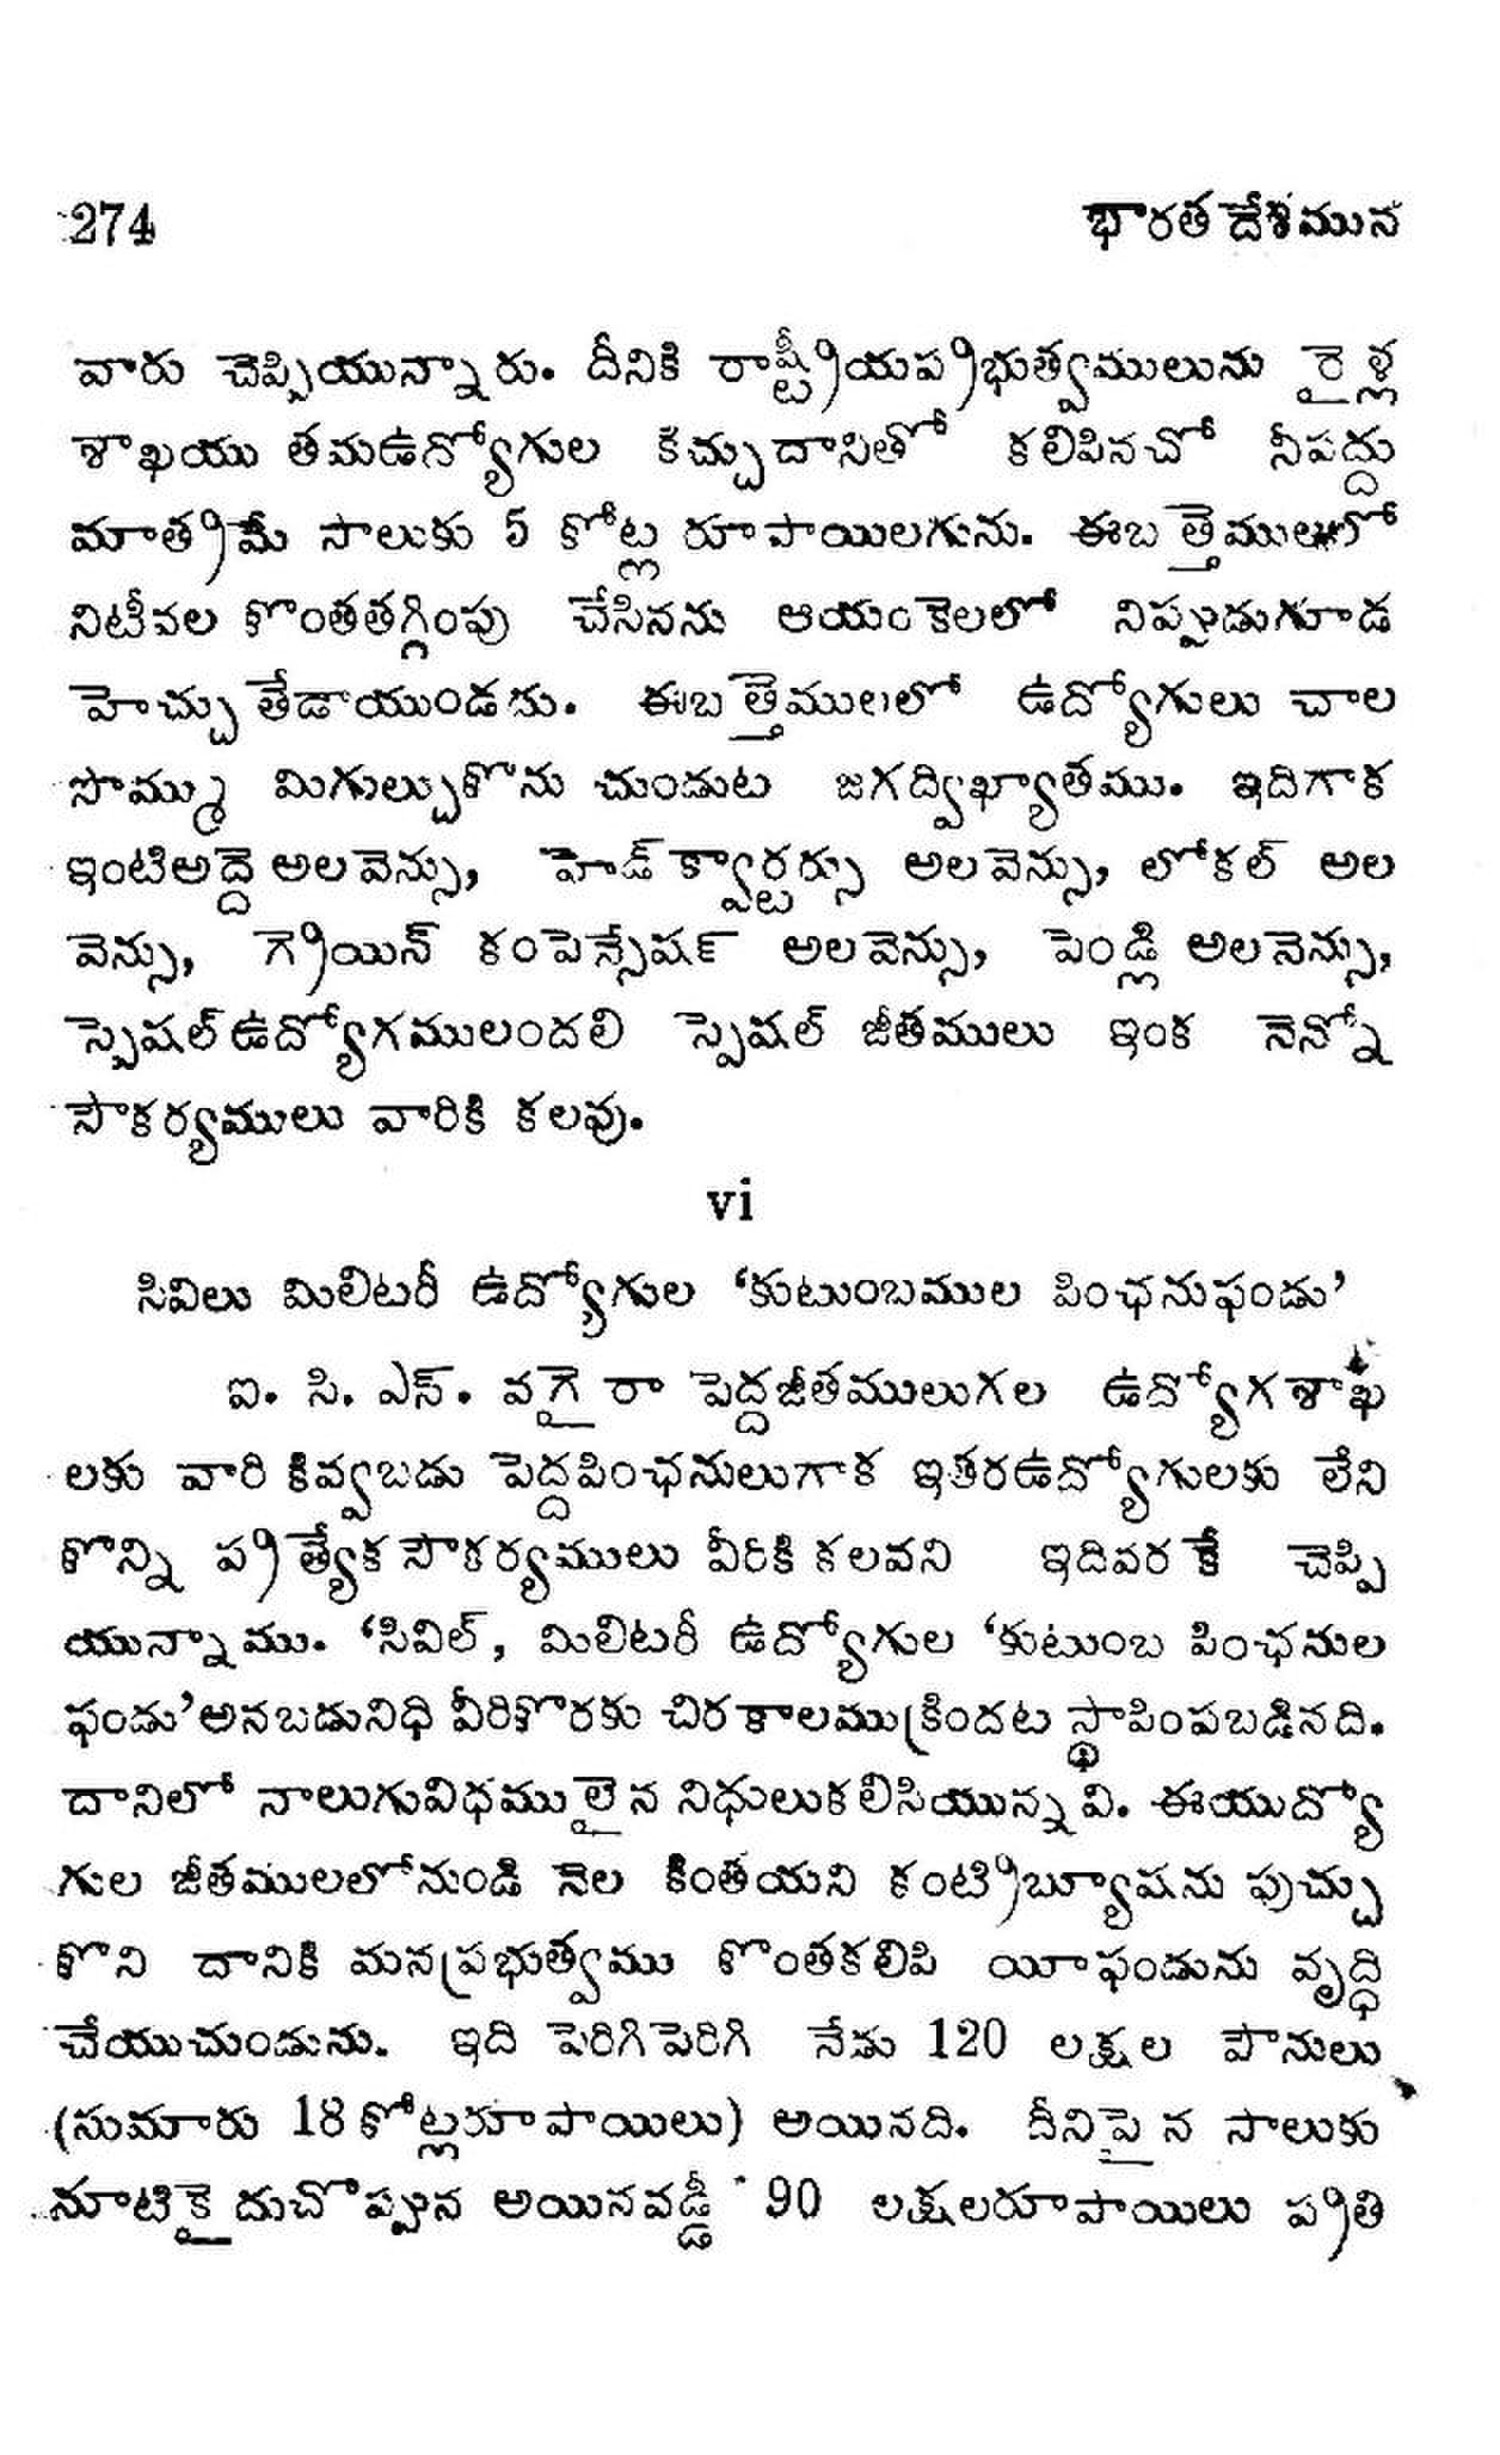వారు చెప్పియున్నారు. దీనికి రాష్ట్రీయప్రభుత్వములును రైళ్ల శాఖయు తమఉద్యోగుల కిచ్చుదానితో కలిపినచో నీపద్దు మాత్రమే సాలుకు 5 కోట్ల రూపాయిలగును. ఈబత్తెములలో నిటీవల కొంతతగ్గింపు చేసినను ఆయంకెలలో నిప్పుడుగూడ హెచ్చుతేడాయుండదు. ఈబత్తెములలో ఉద్యోగులు చాలసొమ్ము మిగుల్చుకొను చుండుట జగద్విఖ్యాతము. ఇదిగాక ఇంటిఅద్దెఅలవెన్సు, హెడ్క్వార్టర్సు అలవెన్సు, లోకల్ అలవెన్సు, గ్రెయిన్ కంపెన్సేష౯ అలవెన్సు, పెండ్లి అలవెన్సు, స్పెషల్ ఉద్యోగములందలి స్పెషల్ జీతములు ఇంక నెన్నో సౌకర్యములు వారికి కలవు. -

vi 
సివిలు మిలిటరీ ఉద్యోగుల 'కుటుంబముల పింఛనుపండు'

ఐ. సి. ఎస్. వగైరా పెద్దజీతములుగల ఉద్యోగశాఖలకు వారి కివ్వబడు పెద్దపింఛనులుగాక ఇతరఉద్యోగులకు లేని కొన్ని ప్రత్యేకసౌకర్యములు వీరికికలవని ఇదివరకే చెప్పి యున్నాము. 'సివిల్, మిలిటరీ ఉద్యోగుల 'కుటుంబ పింఛనుల ఫండు' అనబడునిధి వీరికొరకు చిరకాలముక్రిందట స్థాపింపబడినది. దానిలో నాలుగువిధములైన నిధులుకలిసియున్నవి. ఈయుద్యోగుల జీతములలోనుండి నెల కింతయని కంట్రిబ్యూషను పుచ్చుకొని దానికి మనప్రభుత్వము కొంతకలిపి యీఫండును వృద్ధిచేయుచుండును. ఇది పెరిగిపెరిగి నేడు 120 లక్షల పౌనులు - (సుమారు 18 కోట్ల రూపాయిలు) అయినది. దీనిపైన సాలుకు నూటికైదుచొప్పున అయినవడ్డీ 90 లక్షలరూపాయిలు ప్రతి